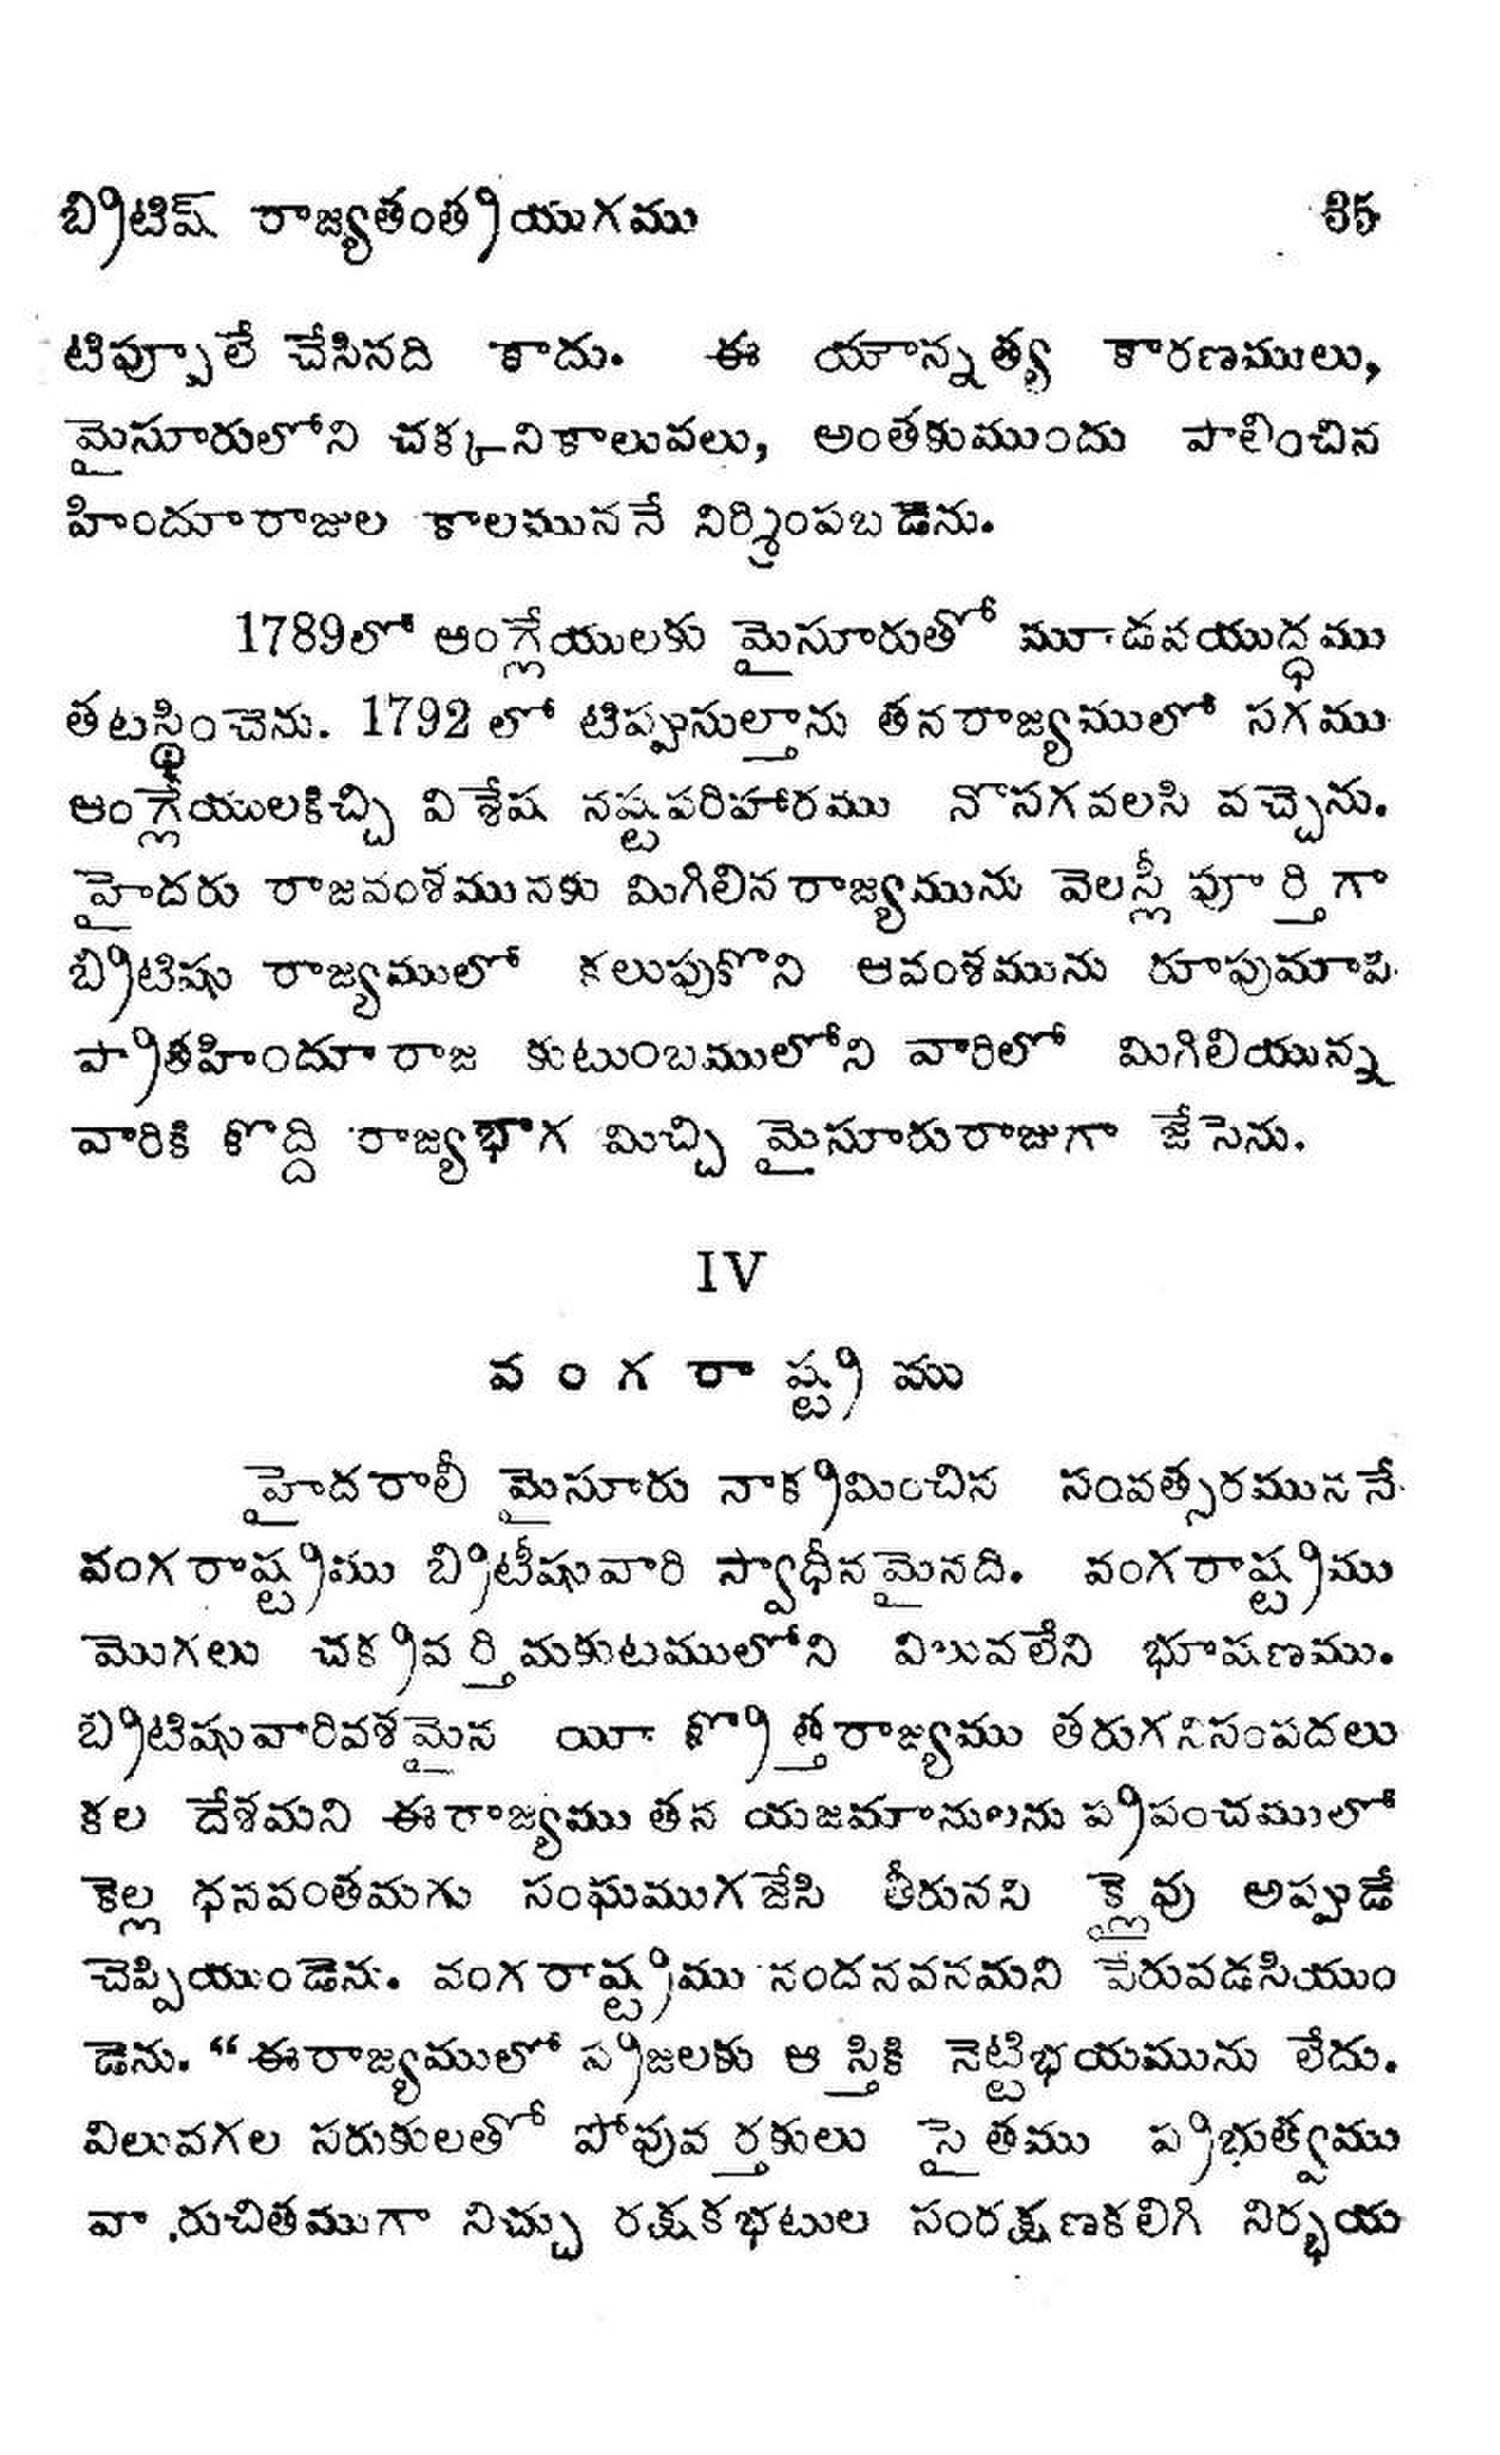టిప్పూలే చేసినది కాదు. ఈ యౌన్నత్య కారణములు, మైసూరులోని చక్కనికాలువలు, అంతకుముందు పాలించిన హిందూరాజుల కాలముననే నిర్మింపబడెను.

1789లో ఆంగ్లేయులకు మైసూరుతో మూడవయుద్ధము తటస్థించెను. 1792 లో టిప్పుసుల్తాను తనరాజ్యములో సగము ఆంగ్లేయులకిచ్చి విశేష నష్టపరిహారము నొసగవలసి వచ్చెను. హైదరు రాజవంశమునకు మిగిలిన రాజ్యమును వెలస్లీ పూర్తిగా బ్రిటిషు రాజ్యములో కలుపుకొని ఆవంశమును రూపుమాపి. ప్రాతహిందూరాజ కుటుంబములోని వారిలో మిగిలియున్న వారికి కొద్ది రాజ్యభాగ మిచ్చి మైసూరు రాజుగా జేసెను.

IV
వంగ రాష్ట్రము 

హైదరాలీ మైసూరు నాక్రమించిన సంవత్సరముననే వంగరాష్ట్రము బ్రిటీషువారి స్వాధీనమైనది. వంగరాష్ట్రము
మొగలు చక్రవర్తిమకుటములోని విలువలేని భూషణము. బ్రిటిషువారివశమైన యీ క్రొత్తరాజ్యము తరుగనిసంపదలు కల దేశమని ఈ రాజ్యము తన యజమానులను ప్రపంచములో కెల్ల ధనవంతమగు సంఘముగజేసి తీరునని క్లైవు అప్పుడే చెప్పియుండెను. వంగరాష్ట్రము నందనవనమని పేరువడసియుండెను. "ఈరాజ్యములో ప్రజలకు ఆస్తికి నెట్టిభయమును లేదు. విలువగల సరుకులతో పోవువర్తకులు సైతము ప్రభుత్వమువా రుచితముగా నిచ్చు రక్షకభటుల సంరక్షణకలిగి నిర్భయ